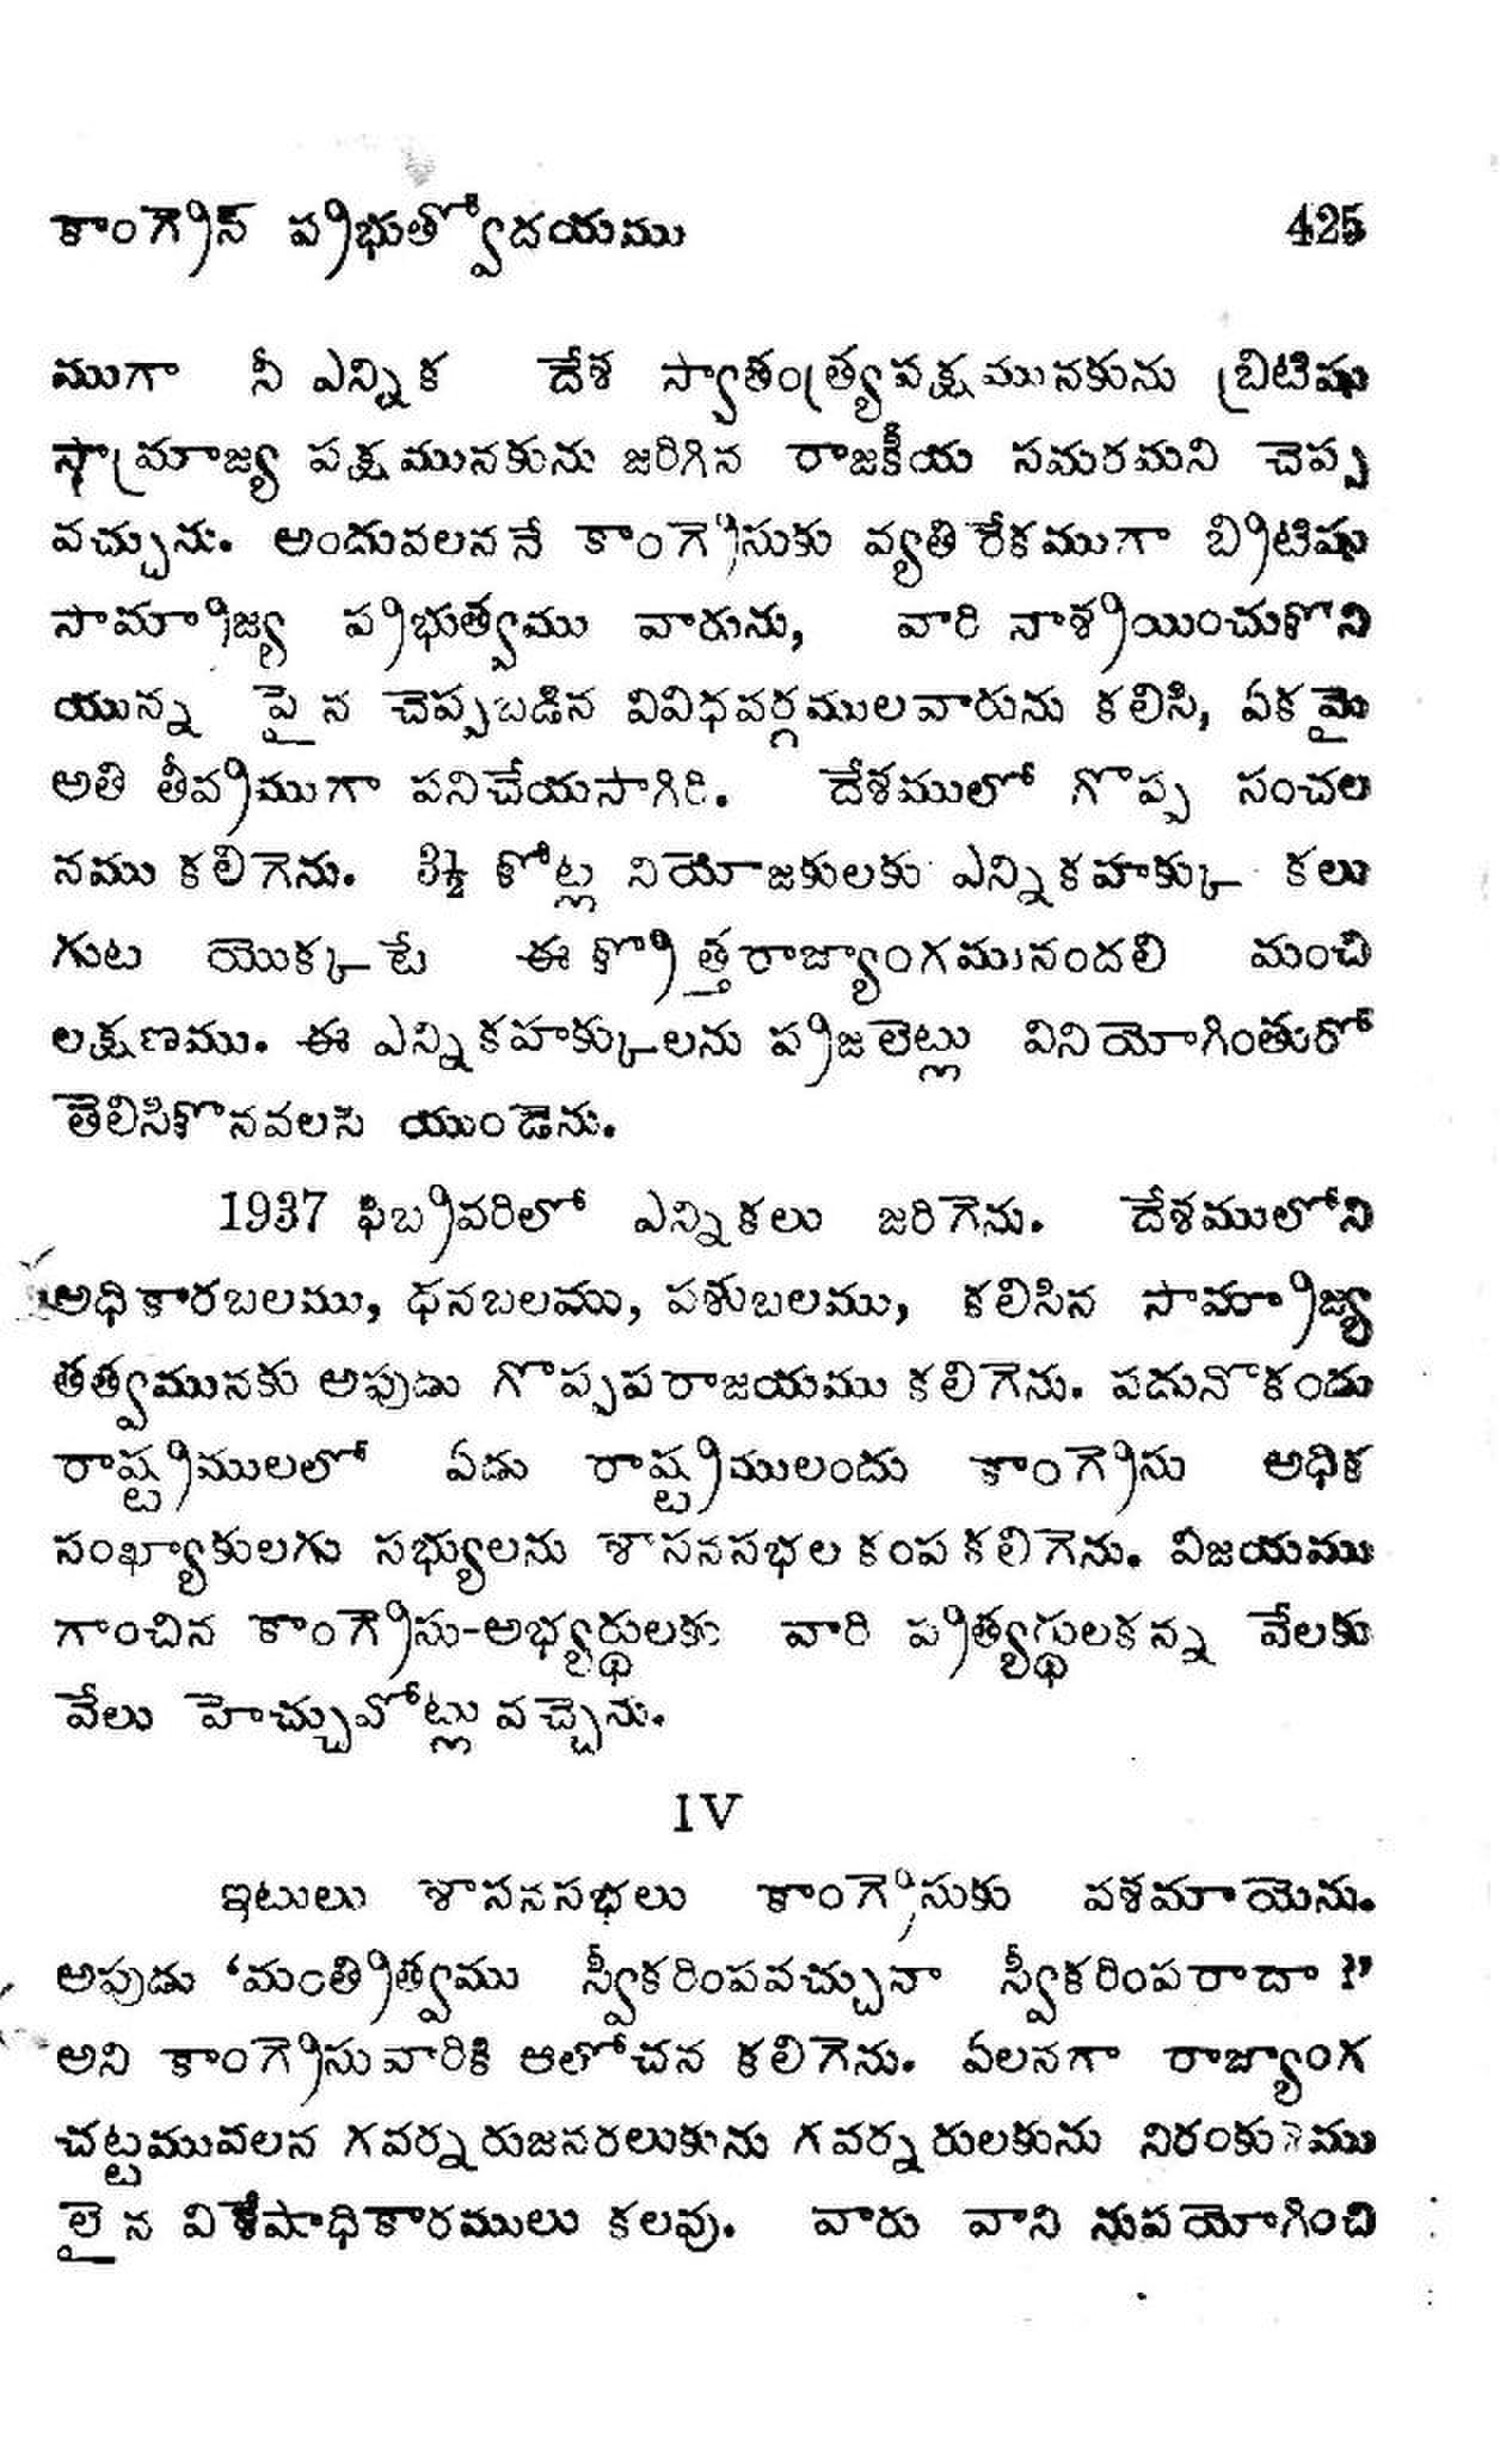ముగా నీ ఎన్నిక దేశ స్వాతంత్ర్యపక్షమునకును బ్రిటిషుసామ్రాజ్య పక్షమునకును జరిగిన రాజకీయ సమరమని చెప్పవచ్చును. అందువలననే కాంగ్రెసుకు వ్యతిరేకముగా బ్రిటిషుసామ్రాజ్య ప్రభుత్వము వారును, వారి నాశ్రయించుకొని యున్న పైన చెప్పబడిన వివిధవర్గములవారును కలిసి, ఏకమై అతి తీవ్రముగా పనిచేయసాగిరి. దేశములో గొప్ప సంచలనము కలిగెను. 3 1/2 కోట్ల నియోజకులకు ఎన్నికహక్కు కలుగుట యొక్కటే ఈ క్రొత్తరాజ్యాంగమునందలి మంచి లక్షణము. ఈ ఎన్నికహక్కులను ప్రజలెట్లు వినియోగింతురో తెలిసికొనవలసి యుండెను.

1937 ఫిబ్రవరిలో ఎన్నికలు జరిగెను. దేశములోని అధికారబలము, ధనబలము, పశుబలము, కలిసిన సామ్రాజ్య తత్వమునకు అపుడు గొప్పపరాజయము కలిగెను. పదునొకండు రాష్ట్రములలో ఏడు రాష్ట్రములందు కాంగ్రెసు అధిక సంఖ్యాకులగు సభ్యులను శాసనసభల కంపకలిగెను. విజయము గాంచిన కాంగ్రెసు-అభ్యర్థులకు వారి ప్రత్యర్థులకన్న వేలకు వేలు హెచ్చువోట్లు వచ్చెను.

IV 

ఇటులు శాసనసభలు కాంగ్రెసుకు వశమాయెను. అపుడు 'మంత్రిత్వము స్వీకరింపవచ్చునా స్వీకరింపరాదా?' అని కాంగ్రెసువారికి ఆలోచన కలిగెను. ఏలనగా రాజ్యాంగ చట్టమువలన గవర్నరుజనరలుకును గవర్నరులకును నిరంకుశములైన విశేషాధికారములు కలవు. వారు వాని నుపయోగించి